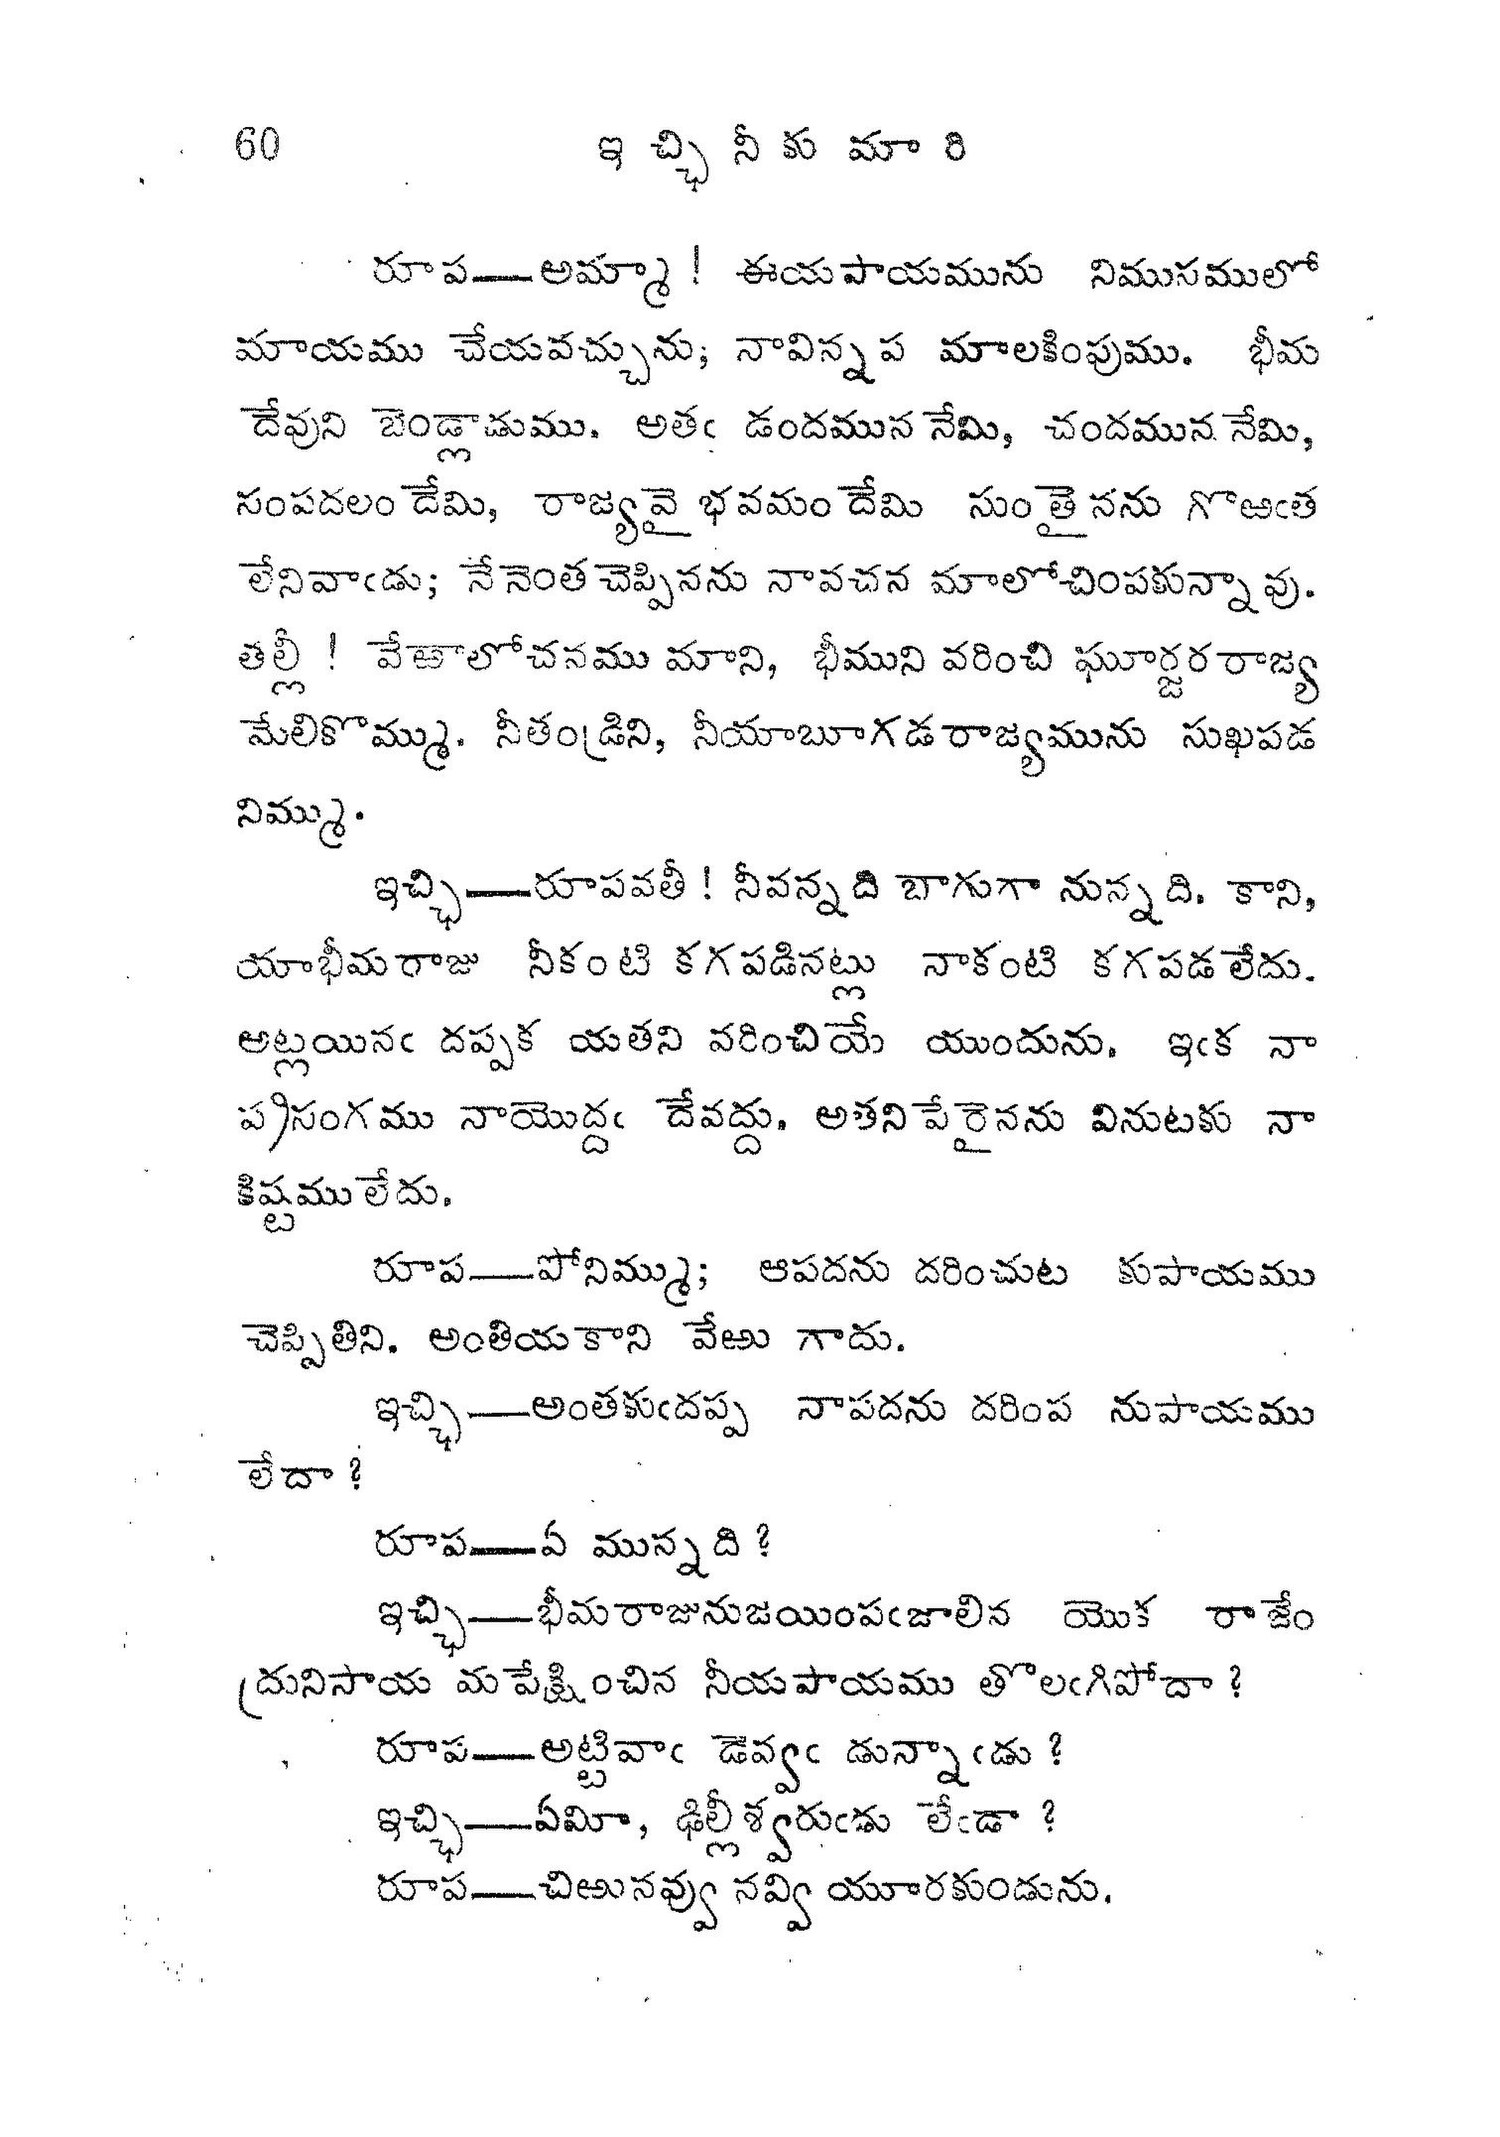రూప:: -- అమ్మా ! ఈయపాయమును నిముసములోమాయము చేయవచ్చును; నావిన్నప మాలకింపుము. భీమదేవుని బెండ్లాడుము, అతఁ డందమున నేమి, చందమున నేమి,
సంపదలం దేమి, రాజ్య వైభవమం దేమి సుంతై నను గొఱఁతలేనివాఁడు; నేనెంత చెప్పినను నావచన మాలోచింపకున్నావు.తల్లీ ! వేఱాలోచనము మాని, భీముని వరించి ఘూర్జర రాజ్య
మేలికొమ్ము. నీతండ్రిని, నీయాబూగడ రాజ్యమును సుఖపడనిమ్ము.

ఇచ్చి: – రూపవతీ ! నీవన్నది బాగుగా నున్నది. కానీ,యాభీమ రాజు నీకంటి కగ పడినట్లు నాకంటి కగపడ లేదు.అట్లయినఁ దప్పక యతని వరించియే యుందును. ఇక నా
ప్రసంగము నాయొద్దఁ దేవద్దు. అతని పేరైనను వినుటకు నాకిష్టము లేదు,

రూప: పోనిమ్ము; ఆపదను దరించుట కుపాయముచెప్పితిని. అంతియ కొని వేఱు గాదు.

ఇచ్చి: – అంతకుఁదప్ప నాపదను దరింప నుపాయము లేదా?

రూప: ఏమున్నది

ఇచ్ఛి: – భీమ రాజును జయింపఁజాలిన యొక రాజేంద్రునిసాయ మపేక్షించిన నీయపాయము తొలఁగిపోదా ?

రూప: - అట్టివాఁ డెవ్వఁ డున్నాఁడు ?

ఇచ్ఛి: ఏమి, ఢిల్లీ శ్వరుఁడు లేడా ?

రూప: —చిఱునవ్వు నవ్వి యూరకుండును.